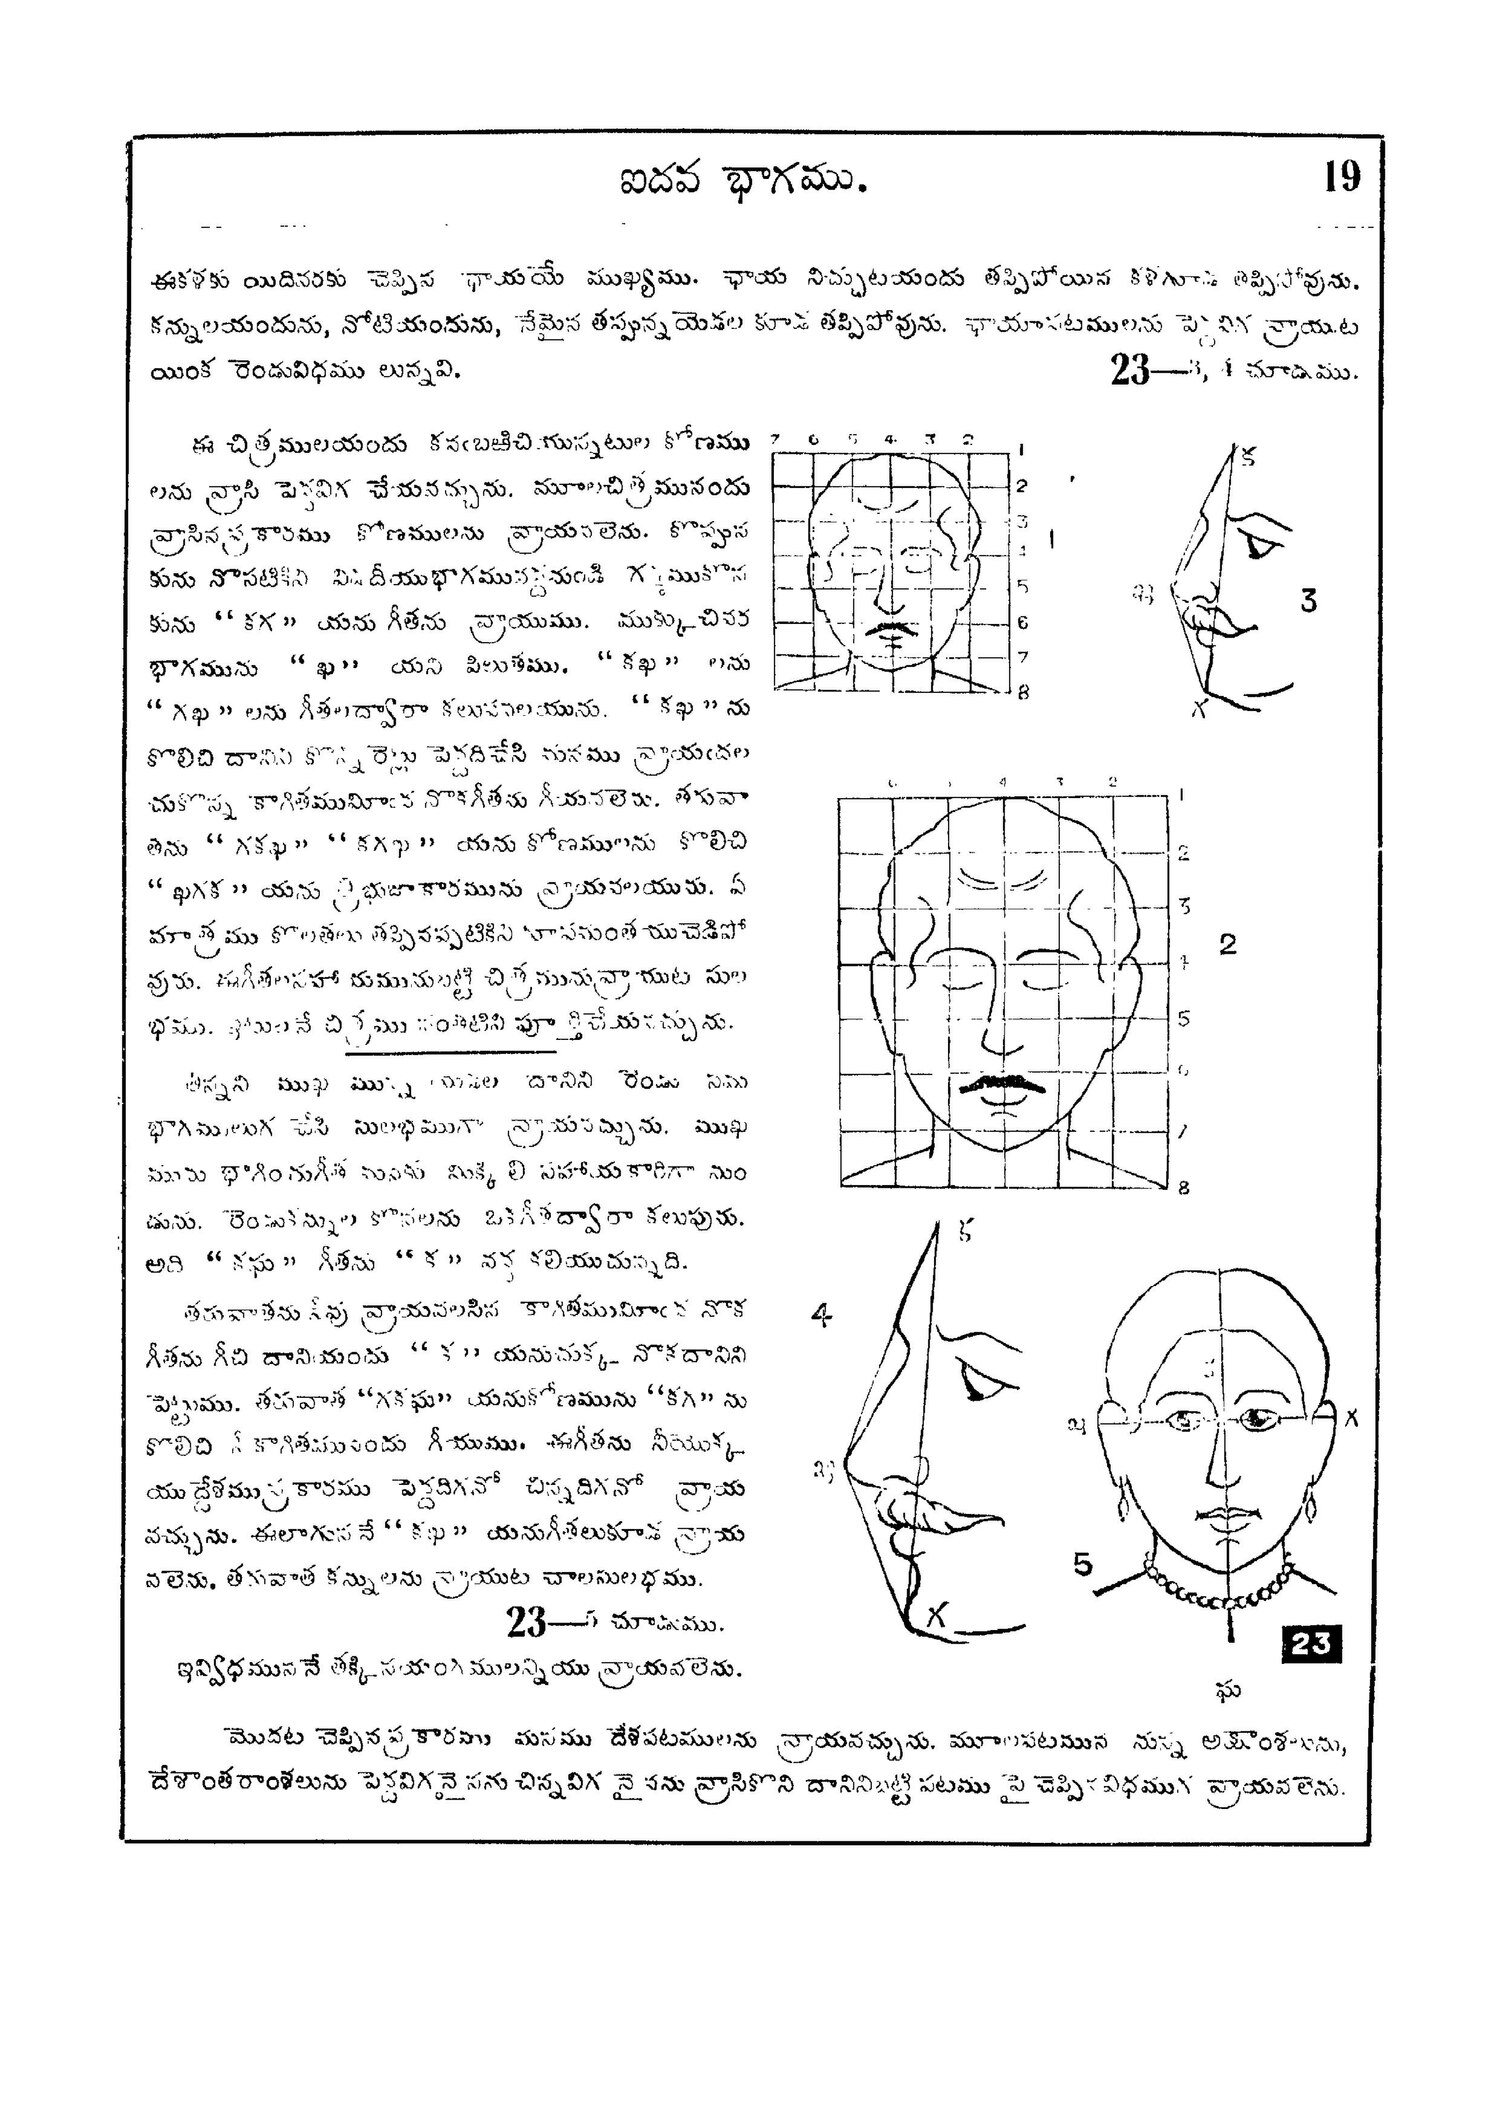ఈకళకు యిదివరకు చెప్పిన ఛాయయే ముఖ్యము. ఛాయ నిచ్చుటయందు తప్పిపోయిన కళగూడ తప్పిపోవును. కన్నులయందును, నోటియందును, నేమైనతప్పున్నయెడల కూడతప్పిపోవును. ఛాయాపటములను పెద్దవిగ వ్రాయుట యింక రెండువిధము లున్నవి. 23 - 3, 4 చూడుము.

ఈ చిత్రములయందు కనబఱిచియున్నటుల కోణములను వ్రాసి పెద్దవిగ చేయవచ్చును. మూలచిత్రమునందు వ్రాసినప్రకారము కోణములను వ్రాయవలెను. కొప్పునకును నొసటికిని విడదీయుభాగమువద్దనుండి గడ్డముకొనకును "కగ" యను గీతను వ్రాయుము. ముక్కుచివర భాగమును "ఖ" యని పిలుతుము. "కఖ" లను "గఖ"లను గీతలుద్వారా కలుపవలయును. "కఖ" ను కొలిచి దానిని కొన్నిరెట్లు పెద్దదిచేసి మనము వ్రాయదలచుకొన్న కాగితముమీద నొకగీతను గీయవలెను. తరువాతను "గకఖ" "కగఖ" యను కోణములను కొలిచి "ఖగక" యను త్రిభుజాకారమును వ్రాయవలయును. ఏమాత్రము కొలతలు తప్పినప్పటికిని రూపమంతయుచెడిపోవును. ఈగీతలసహాయమునుబట్టి చిత్రమునువ్రాయుట సులభము. అటులనే చిత్రము నంతటిని పూర్తిచేయవచ్చును.

తిన్నని ముఖ మున్న యెడల దానిని రెండు సమభాగములుగ చేసి సులభముగా వ్రాయవచ్చును. ముఖమును భాగించుగీత మనకు మిక్కిలి సహాయకారిగా నుండును. రెండుకన్నుల కొనలను ఒకగీతద్వారా కలుపును. అది "కఘ" గీతను "క" వద్ద కలియుచున్నది.

తరువాతను నీవు వ్రాయవలసిన కాగితముమీద నొక గీతను గీచి దానియందు "క" యనుచుక్క నొకదానిని పెట్టుము. తరువాత "గకఘ" యనుకోణమును "కగ"ను కొలిచి నీ కాగితమునందు గీయుము. ఈగీతను నీయొక్క యుద్దేశముప్రకారము పెద్దదిగనో చిన్నదిగనో వ్రాయవచ్చును. ఈలాగుననే "కఖ" యనుగీతలుకూడ వ్రాయవలెను. తరువాత కన్నులను వ్రాయుట చాలసులభము. 23 - 5 చూడుము.

ఇవ్విధముననే తక్కినయంగములన్నియు వ్రాయవలెను.

మొదట చెప్పినప్రకారము మనము దేశపటములను వ్రాయవచ్చును. మూలపటమున నున్న అక్షాంశలును, దేశాంతరాంశలును పెద్దవిగనైనను చిన్నవిగ నైననువ్రాసికొని దానినిబట్టి పటము పై చెప్పినవిధముగ వ్రాయవలెను.